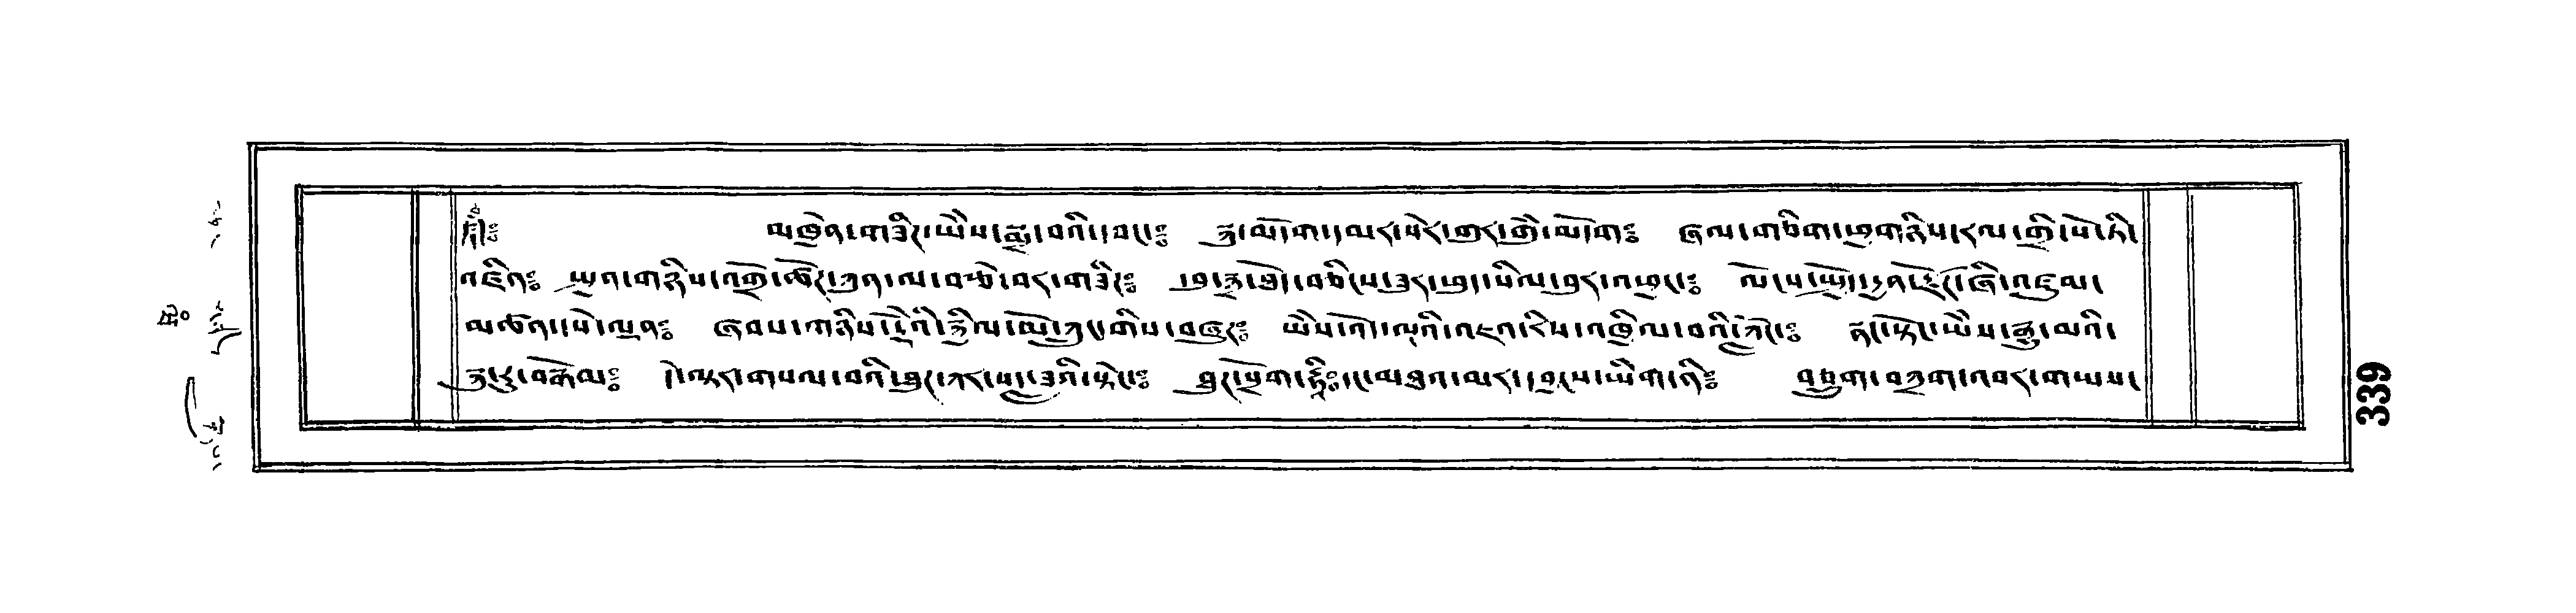མཁྱེན་གཟིགས་ཡེ་ཤེས་སྨྲ་བའི་དབང༔ སྐུ་མདོག་དམར་སེར་གུར་གུམ་མདོག༔ ཞལ་གཅིག་ཕྱག་གཉིས་རལ་གྲི་པོ་ཏི་
འཛིན༔ སྤྱན་གཉིས་འགྲོ་ཚོགས་ཀུན་ལ་བརྩེ་བར་གཟིགས༔ དབུ་སྐྲ་ཐོད་བཅིངས་ཟུར་ཕུད་སིལ་བུར་འཕྱང༔ ལོངས་སྤྱོད་རྒྱན་རྫོགས་ཞི་འཛུམ་
མཚན་དཔེ་ལྡན༔ ཞབས་གཉིས་རྡོ་རྗེའི་སྐྱིལ་མོ་ཀྲུང་གིས་བཞུགས༔ ཡེ་ཤེས་འོད་ལྔའི་འཇའ་རིས་འཁྱིལ་བའི་ཀློང༔ སྣང་སྟོང་ཡེ་ཤེས་སྒྱུ་མའི་
སྐུ་རུ་བསྒོམ༔ དེ་ལྟར་གསལ་བའི་ཐུགས་ཀར་པད་ཟླའི་སྟེང༔ ཐུགས་སྲོག་དྷིཿདང་མཐའ་མར་དབྱངས་ཡིག་ནི༔ བཅུ་དྲུག་བཀྲག་འབར་གཡས་